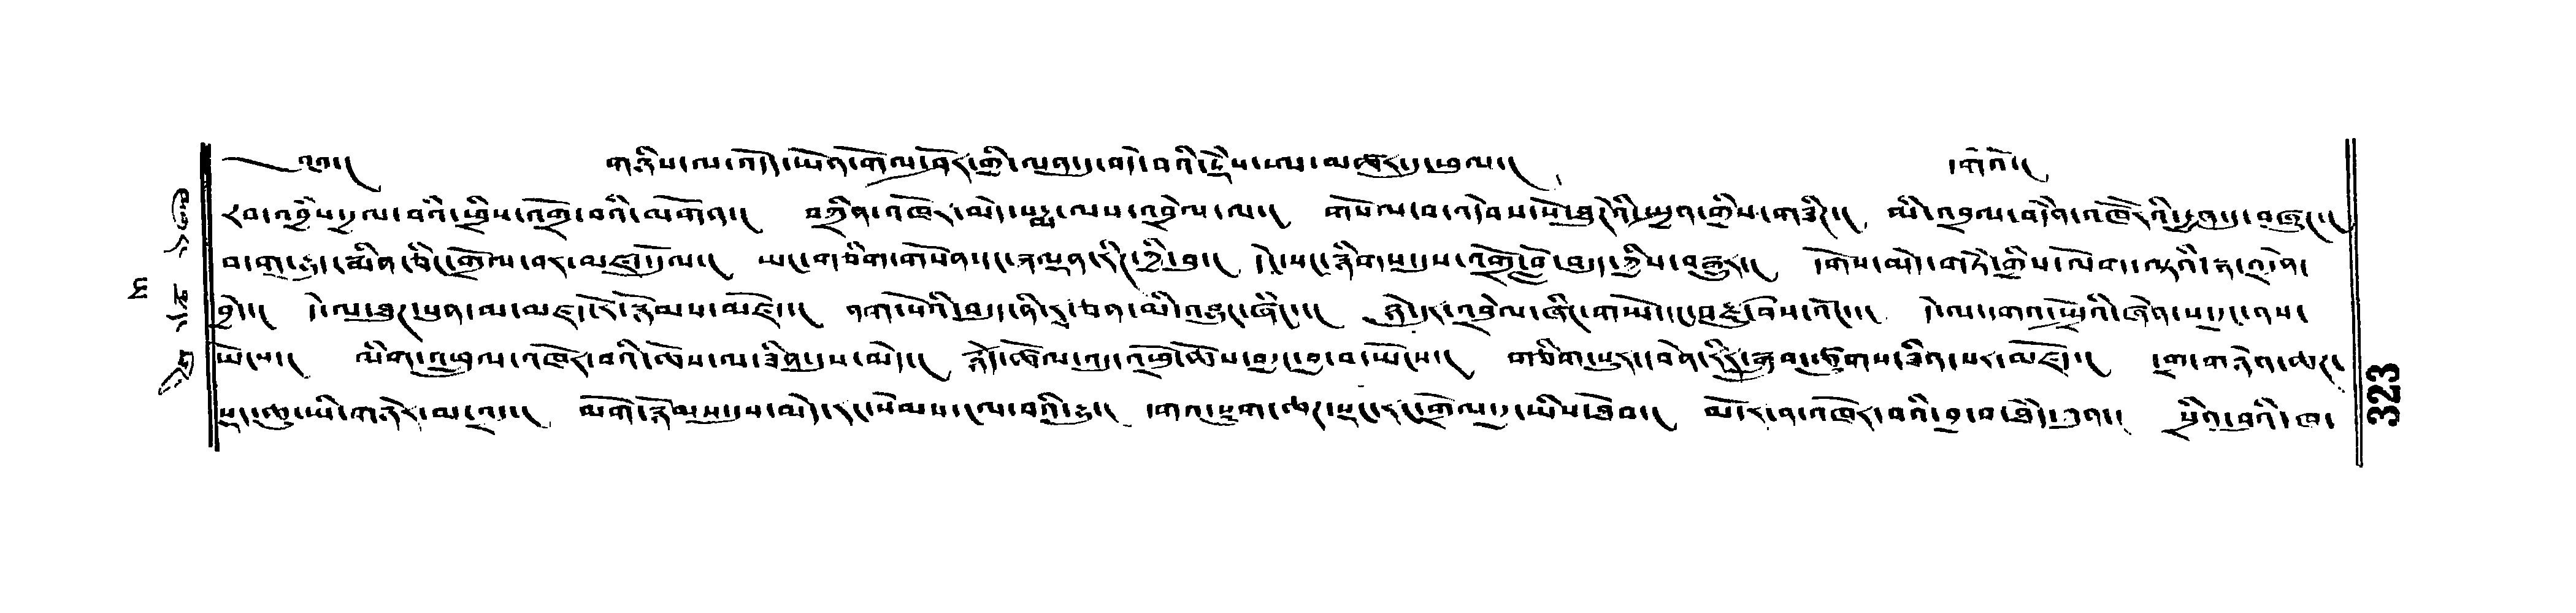གཉིས་ལ་འདོད་ཡོན་གོལ་ཤོར་གྱི་ལན་དུ་བདེ་བའི་རྡོ་རྗེས་ཨ་མཚར་དུ་ཕུལ། དགེའོ།། 
རབ་འབྱམས་རྒྱལ་བའི་ཕྲིན་ལས་འགྲོ་བའི་མགོན། བཀའ་དྲིན་འཁོར་མེད་པདྨ་ལས་འབྲེལ་ལ། །གསོལ་བ་འདེབས་སོ་ཐུགས་རྗེའི་སྤྱན་གྱིས་གཟིགས། །མི་འབྲལ་བདེ་ཆེན་འཁོར་ལོའི་རྒྱན་དུ་བཞུགས། །
བདག་རྒྱུད་སྨིན་ཅིང་གྲོལ་བར་མཛད་དུ་གསོལ། །ཡང་གཅིག་གསོན་དང་སྐལ་ལྡན་རིགས་ཀྱི་བུ། །དེང་སང་སྙིགས་དུས་འགྲོ་བློ་བདུད་ཀྱིས་བསྒྱུར། །དགོས་མེད་གཏམ་གྱིས་ལོག་ལྟའི་སྣ་འདྲེན་
བྱེད། །དེ་ལ་ཐུགས་སུན་མ་མཛད་རོ་སྙོམས་མཛོད། །ནག་པོའི་བདུད་ནི་རྭ་ཅན་མི་འབྱུང་ཞིང་། །ཉེ་དུར་འབྲེལ་ཞིང་གཡོ་དང་བརྫུ་བས་འོང་། །དེ་ལ་དགའ་སྤྲོའི་ཞེན་པ་རྒྱང་ནས་
ཡོངས། །མིག་འཕྲུལ་འཁོར་བའི་ཆོས་ལ་ཟིན་དུས་མེད། །རྙེད་ཚོལ་འདུ་འཕྲོ་ཆོས་བརྒྱད་བྱ་བ་སྤོངས། །གཅིག་པུར་དབེན་རིར་སྒྲུབ་ཚུགས་ཟིན་པར་མཛོད། །དགྲ་གཉེན་ཆགས་
སྡང་ཆུ་ཡི་གཉེར་མ་འདྲ། །མགོ་སྙོམས་དུས་མེད་རང་སེམས་ངལ་བའི་རྒྱུ། །དགའ་སྡུག་ཆགས་སྡང་རང་གྲོལ་རྒྱ་ཡིས་ཐོབ། །མདོར་ན་འཁོར་བའི་བྱ་བ་ཐམས་ཅད་ཀུན། །སྲིན་བུའི་ཁ་